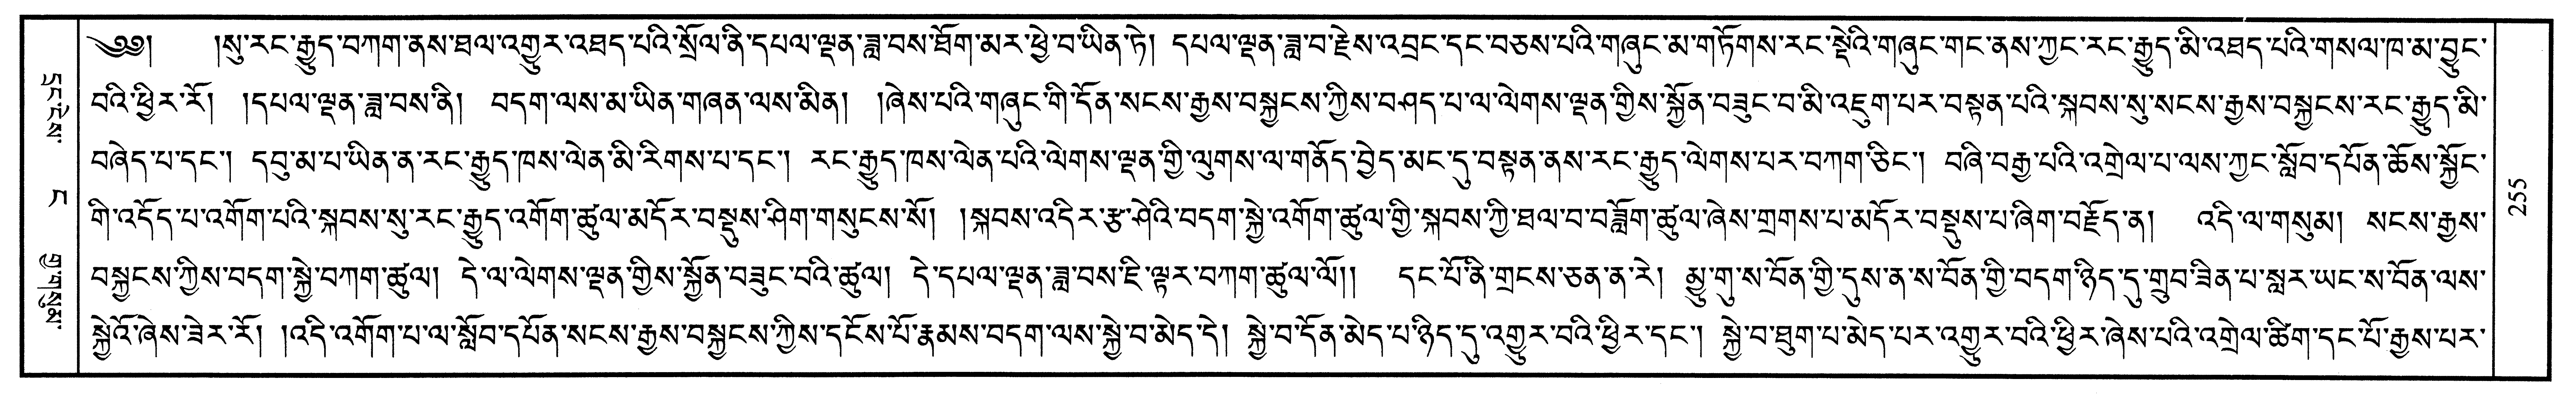༄༅། །སུ་རང་རྒྱུད་བཀག་ནས་ཐལ་འགྱུར་འཐད་པའི་སྲོལ་ནི་དཔལ་ལྡན་ཟླ་བས་ཐོག་མར་ཕྱེ་བ་ཡིན་ཏེ། དཔལ་ལྡན་ཟླ་བ་རྗེས་འབྲང་དང་བཅས་པའི་གཞུང་མ་གཏོགས་རང་སྡེའི་གཞུང་གང་ནས་ཀྱང་རང་རྒྱུད་མི་འཐད་པའི་གསལ་ཁ་མ་བྱུང་
བའི་ཕྱིར་རོ། །དཔལ་ལྡན་ཟླ་བས་ནི། བདག་ལས་མ་ཡིན་གཞན་ལས་མིན། །ཞེས་པའི་གཞུང་གི་དོན་སངས་རྒྱས་བསྐྱངས་ཀྱིས་བཤད་པ་ལ་ལེགས་ལྡན་གྱིས་སྐྱོན་བཟུང་བ་མི་འཇུག་པར་བསྟན་པའི་སྐབས་སུ་སངས་རྒྱས་བསྐྱངས་རང་རྒྱུད་མི་
བཞེད་པ་དང་། དབུ་མ་པ་ཡིན་ན་རང་རྒྱུད་ཁས་ལེན་མི་རིགས་པ་དང་། རང་རྒྱུད་ཁས་ལེན་པའི་ལེགས་ལྡན་གྱི་ལུགས་ལ་གནོད་བྱེད་མང་དུ་བསྟན་ནས་རང་རྒྱུད་ལེགས་པར་བཀག་ཅིང་། བཞི་བརྒྱ་པའི་འགྲེལ་པ་ལས་ཀྱང་སློབ་དཔོན་ཆོས་སྐྱོང་
གི་འདོད་པ་འགོག་པའི་སྐབས་སུ་རང་རྒྱུད་འགོག་ཚུལ་མདོར་བསྡུས་ཤིག་གསུངས་སོ། །སྐབས་འདིར་རྩ་ཤེའི་བདག་སྐྱེ་འགོག་ཚུལ་གྱི་སྐབས་ཀྱི་ཐལ་བ་བཟློག་ཚུལ་ཞེས་གྲགས་པ་མདོར་བསྡུས་པ་ཞིག་བརྗོད་ན། འདི་ལ་གསུམ། སངས་རྒྱས་
བསྐྱངས་ཀྱིས་བདག་སྐྱེ་བཀག་ཚུལ། དེ་ལ་ལེགས་ལྡན་གྱིས་སྐྱོན་བཟུང་བའི་ཚུལ། དེ་དཔལ་ལྡན་ཟླ་བས་ཇི་ལྟར་བཀག་ཚུལ་ལོ།། དང་པོ་ནི་གྲངས་ཅན་ན་རེ། མྱུ་གུ་ས་བོན་གྱི་དུས་ན་ས་བོན་གྱི་བདག་ཉིད་དུ་གྲུབ་ཟིན་པ་སླར་ཡང་ས་བོན་ལས་
སྐྱེའོ་ཞེས་ཟེར་རོ། །འདི་འགོག་པ་ལ་སློབ་དཔོན་སངས་རྒྱས་བསྐྱངས་ཀྱིས་དངོས་པོ་རྣམས་བདག་ལས་སྐྱེ་བ་མེད་དེ། སྐྱེ་བ་དོན་མེད་པ་ཉིད་དུ་འགྱུར་བའི་ཕྱིར་དང་། སྐྱེ་བ་ཐུག་པ་མེད་པར་འགྱུར་བའི་ཕྱིར་ཞེས་པའི་འགྲེལ་ཚིག་དང་པོ་རྒྱས་པར་